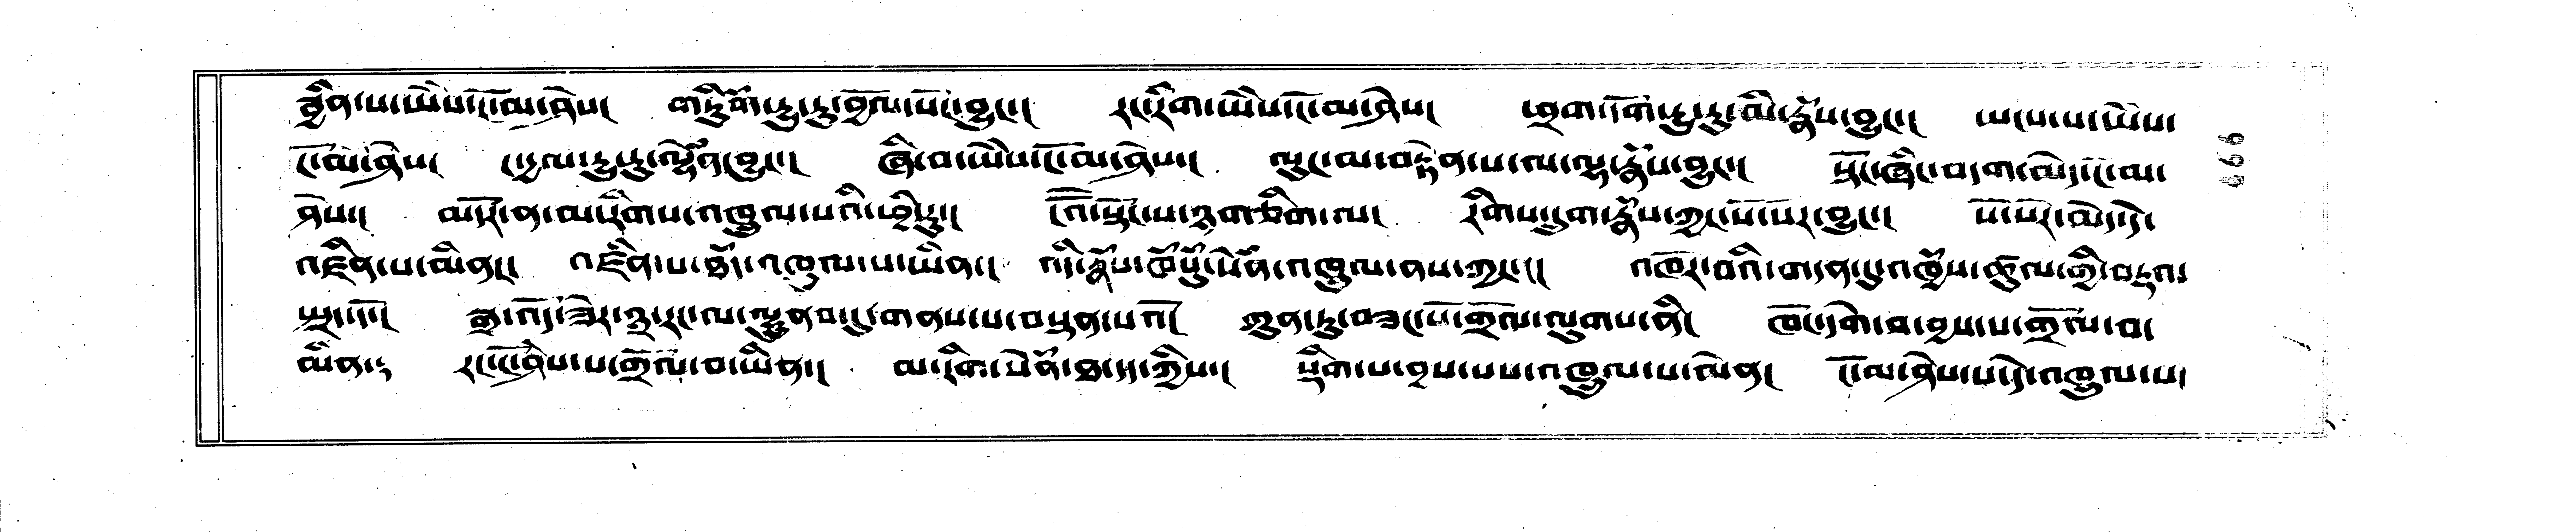སྦྱིན་པའི་ཡེ་ཤེས་ངོ་མ་ཤེས། གཏི་མུག་རྒྱུ་རུ་བྱོལ་སོང་བྱུང་། རང་རིག་ཡེ་ཤེས་ངོ་མ་ཤེས། འཕྲག་དོག་རྒྱུ་རུ་མི་རྣམས་འབྱུང། ཡངས་པའི་ཡེ་ཤེས་
ངོ་མ་ཤེས། ང་རྒྱལ་རྒྱུ་རུ་ལྷ་མིན་འབྱུང་། ཞི་བའི་ཡེ་ཤེས་ངོ་མ་ཤེས། ལུང་མ་བརྟན་༼བསྟན༽ལ་ལྷ་རྣམས་བྱུང་། སྟོང་ཞིང་བདག་མེད་ངོ་མ་ཤེས།
མདོར་ན་མ་རིག་འཁྲུལ་པའི་ཕྱི་རུ། ངོའོ་སྟོང་པ་ཉག་ཅིག་ལས། རིགས་དྲུག་རྣམས་ཀྱང་སོ་སོར་འབྱུང་། སོ་སོར་མེད་དེ་
འཛིན་པ་ཡིན། འཛིན་པ་ཐམས་ཅད་འཁྲུལ་པ་ཡིན། འདི་རྣམས་ཁམས་སུ་སེམས་ཅན་འཁྲུལ་ནས་ཀྱང་། འཁོར་བའི་གནས་སུ་འཁྱམས་ཚུལ་གྱིས་བརྡའ་
སྤྲོད། སྒྲ་འོད་ཟེར་གསུམ་རང་ལ་ལྷུན་གྲུབ་གནས་ཚུལ་བསྟན་པའོ། ཀུན་དུ་བཟང་པོའི་གྲོལ་ལུགས་ནི། ཁོས་དགེ་བ་བྱས་པས་གྲོལ་བ་
མེན། རང་ངོ་ཤེས་པས་གྲོལ་བ་ཡིན། མ་རིག་སེམས་ཅན་ཐ་དད་ཀྱིས། སྡིག་པ་བྱས་པས་འཁྲུལ་པ་མེན། རང་ངོ་མ་ཤེས་འཁྲུལ་པ་